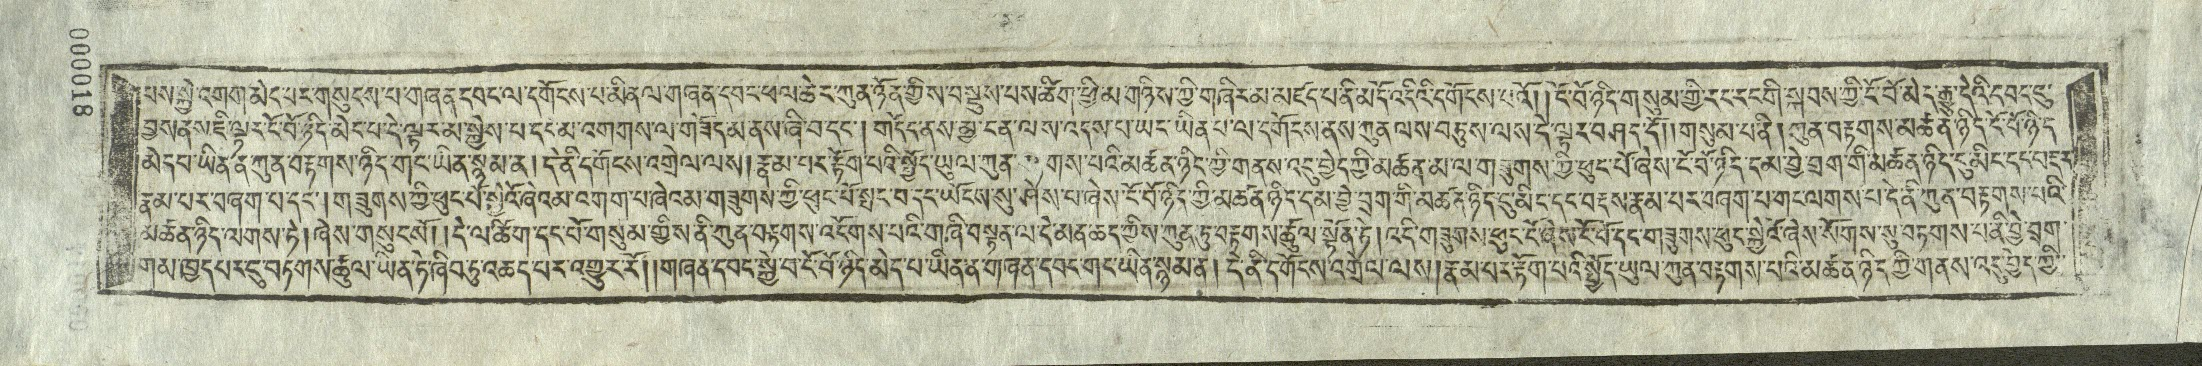པས་སྐྱེ་འགག་མེད་པར་གསུངས་པ་གཞན་དབང་ལ་དགོངས་པ་མིན་ལ་གཞན་དབང་ཕལ་ཆེར་ཀུན་ཉོན་གྱིས་བསྡུས་པས་ཚིག་ཕྱི་མ་གཉིས་ཀྱི་གཞིར་མ་མཛད་པ་ནི་མདོ་འདིའི་དགོངས་པའོ། །ངོ་བོ་ཉིད་གསུམ་གྱི་རང་རང་གི་སྐབས་ཀྱི་ངོ་བོ་མེད་རྒྱུ་དེའི་དབང་དུ་
བྱས་ནས་ཇི་ལྟར་ངོ་བོ་ཉིད་མེད་པ་དེ་ལྟར་མ་སྐྱེས་པ་དང་མ་འགགས་ལ་གཟོད་མ་ནས་ཞི་བ་དང་། གདོད་ནས་མྱ་ངན་ལས་འདས་པ་ཡང་ཡིན་པ་ལ་དགོངས་ནས་ཀུན་ལས་བཏུས་ལས་དེ་ལྟར་བཤད་དོ། །གསུམ་པ་ནི། ཀུན་བརྟགས་མཚན་ཉིད་ངོ་བོ་ཉིད་
མེད་པ་ཡིན་ན་ཀུན་བརྟགས་ཉིད་གང་ཡིན་སྙམ་ན། དེ་ནི་དགོངས་འགྲེལ་ལས། རྣམ་པར་རྟོག་པའི་སྤྱོད་ཡུལ་ཀུན་བརྟགས་པའི་མཚན་ཉིད་ཀྱི་གནས་འདུ་བྱེད་ཀྱི་མཚན་མ་ལ་གཟུགས་ཀྱི་ཕུང་པོ་ཞེས་ངོ་བོ་ཉིད་དམ་བྱེ་བྲག་གི་མཚན་ཉིད་དུ་མིང་དང་བརྡར་
རྣམ་པར་བཞག་པ་དང་། གཟུགས་ཀྱི་ཕུང་པོ་སྐྱེའོ་ཞེའམ་འགག་པ་ཞེའམ་གཟུགས་ཀྱི་ཕུང་པོ་སྤང་བ་དང་ཡོངས་སུ་ཤེས་པ་ཞེས་ངོ་བོ་ཉིད་ཀྱི་མཚན་ཉིད་དམ་བྱེ་བྲག་གི་མཚན་ཉིད་དུ་མིང་དང་བརྡས་རྣམ་པར་བཞག་པ་གང་ལགས་པ་དེ་ནི་ཀུན་བརྟགས་པའི་
མཚན་ཉིད་ལགས་ཏེ། ཞེས་གསུངས་སོ། །དེ་ལ་ཚིག་དང་པོ་གསུམ་གྱིས་ནི་ཀུན་བརྟགས་འདོགས་པའི་གཞི་བསྟན་ལ་དེ་མན་ཆད་ཀྱིས་ཀུན་ཏུ་བརྟགས་ཚུལ་སྟོན་ཏེ། འདི་གཟུགས་ཕུང་པོ་ཞེས་ངོ་བོ་དང་གཟུགས་ཕུང་སྐྱེའོ་ཞེས་སོགས་སུ་བཏགས་པ་ནི་བྱེ་བྲག་
ཀྱི་མཁྱད་པར་དུ་བཏགས་ཚུལ་ཡིན་ཏེ་ཞིབ་ཏུ་འཆད་པར་འགྱུར་རོ། །གཞན་དབང་སྐྱེ་བ་ངོ་བོ་ཉིད་མེད་པ་ཡིན་ན་གཞན་དབང་གང་ཡིན་སྙམ་ན། དེ་ནི་དགོངས་འགྲེལ་ལས། རྣམ་པར་རྟོག་པའི་སྤྱོད་ཡུལ་ཀུན་བརྟགས་པའི་མཚན་ཉིད་ཀྱི་གནས་འདུ་བྱེད་ཀྱི་